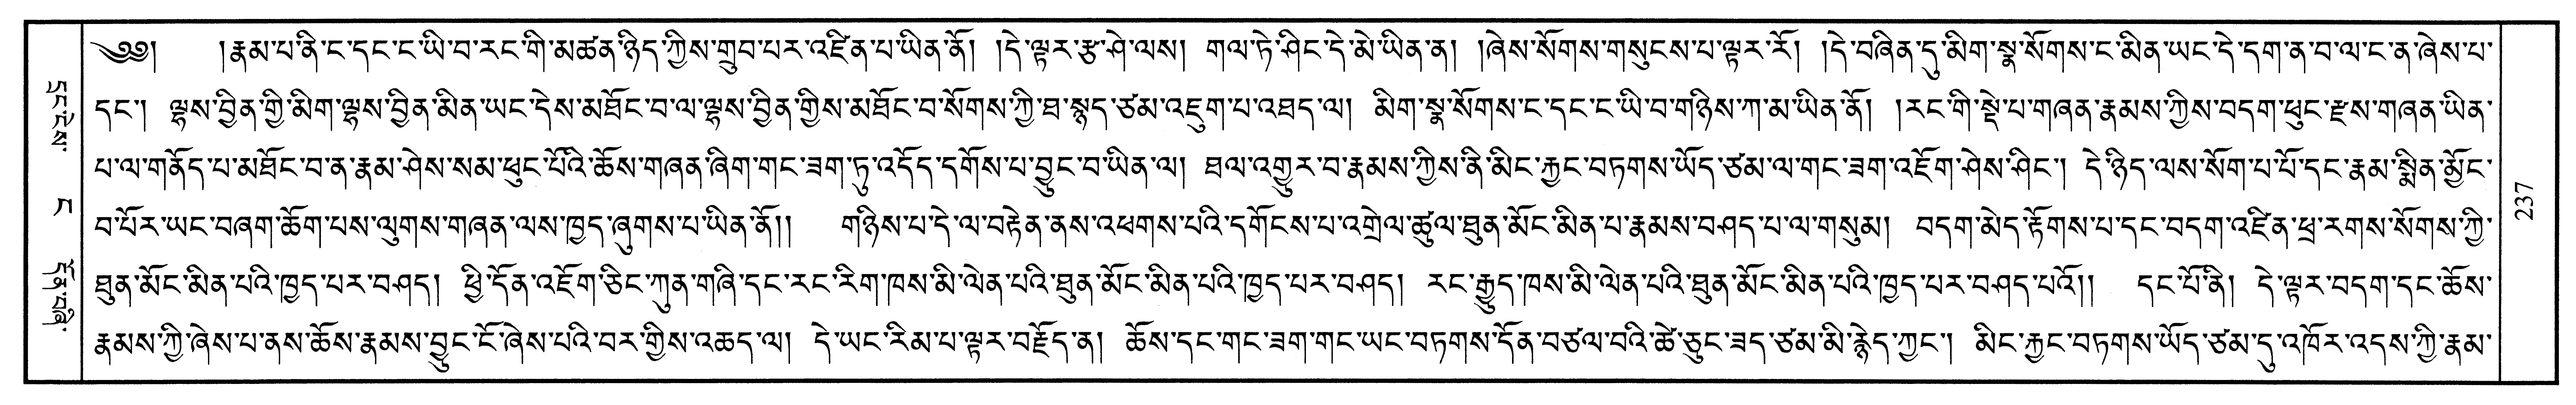༄༅། །རྣམ་པ་ནི་ང་དང་ང་ཡི་བ་རང་གི་མཚན་ཉིད་ཀྱིས་གྲུབ་པར་འཛིན་པ་ཡིན་ནོ། །དེ་ལྟར་རྩ་ཤེ་ལས། གལ་ཏེ་ཤིང་དེ་མེ་ཡིན་ན། །ཞེས་སོགས་གསུངས་པ་ལྟར་རོ། །དེ་བཞིན་དུ་མིག་སྣ་ཚོགས་ང་མིན་ཡང་དེ་དག་ན་བ་ལ་ང་ན་ཞེས་པ་
དང་། ལྷས་བྱིན་གྱི་མིག་ལྷས་བྱིན་མིན་ཡང་དེས་མཐོང་བ་ལ་ལྷས་བྱིན་གྱིས་མཐོང་བ་སོགས་ཀྱི་ཐ་སྙད་ཙམ་འཇུག་པ་འཐད་ལ། མིག་སྣ་ཚོགས་ང་དང་ང་ཡི་བ་གཉིས་ཀ་མ་ཡིན་ནོ། །རང་གི་སྡེ་པ་གཞན་རྣམས་ཀྱིས་བདག་ཕུང་རྫས་གཞན་ཡིན་
པ་ལ་གནོད་པ་མཐོང་བ་ན་རྣམ་ཤེས་སམ་ཕུང་པོའི་ཆོས་གཞན་ཞིག་གང་ཟག་ཏུ་འདོད་དགོས་པ་བྱུང་བ་ཡིན་ལ། ཐལ་འགྱུར་བ་རྣམས་ཀྱིས་ནི་མིང་རྐྱང་བཏགས་ཡོད་ཙམ་ལ་གང་ཟག་འཇོག་ཤེས་ཤིང་། དེ་ཉིད་ལས་སོག་པ་པོ་དང་རྣམ་སྨིན་མྱོང་
བ་པོར་ཡང་བཞག་ཆོག་པས་ལུགས་གཞན་ལས་ཁྱད་ཞུགས་པ་ཡིན་ནོ།། གཉིས་པ་དེ་ལ་བརྟེན་ནས་འཕགས་པའི་དགོངས་པ་འགྲེལ་ཚུལ་ཐུན་མོང་མིན་པ་རྣམས་བཤད་པ་ལ་གསུམ། བདག་མེད་རྟོགས་པ་དང་བདག་འཛིན་ཕྲ་རགས་སོགས་ཀྱི་
ཐུན་མོང་མིན་པའི་ཁྱད་པར་བཤད། ཕྱི་དོན་འཇོག་ཅིང་ཀུན་གཞི་དང་རང་རིག་ཁས་མི་ལེན་པའི་ཐུན་མོང་མིན་པའི་ཁྱད་པར་བཤད། རང་རྒྱུད་ཁས་མི་ལེན་པའི་ཐུན་མོང་མིན་པའི་ཁྱད་པར་བཤད་པའོ།། དང་པོ་ནི། དེ་ལྟར་བདག་དང་ཆོས་
རྣམས་ཀྱི་ཞེས་པ་ནས་ཆོས་རྣམས་བྱུང་ངོ་ཞེས་པའི་བར་གྱིས་འཆད་ལ། དེ་ཡང་རིམ་པ་ལྟར་བརྗོད་ན། ཆོས་དང་གང་ཟག་གང་ཡང་བཏགས་དོན་བཙལ་བའི་ཚེ་ཅུང་ཟད་ཙམ་མི་རྙེད་ཀྱང་། མིང་རྐྱང་བཏགས་ཡོད་ཙམ་དུ་འཁོར་འདས་ཀྱི་རྣམ་